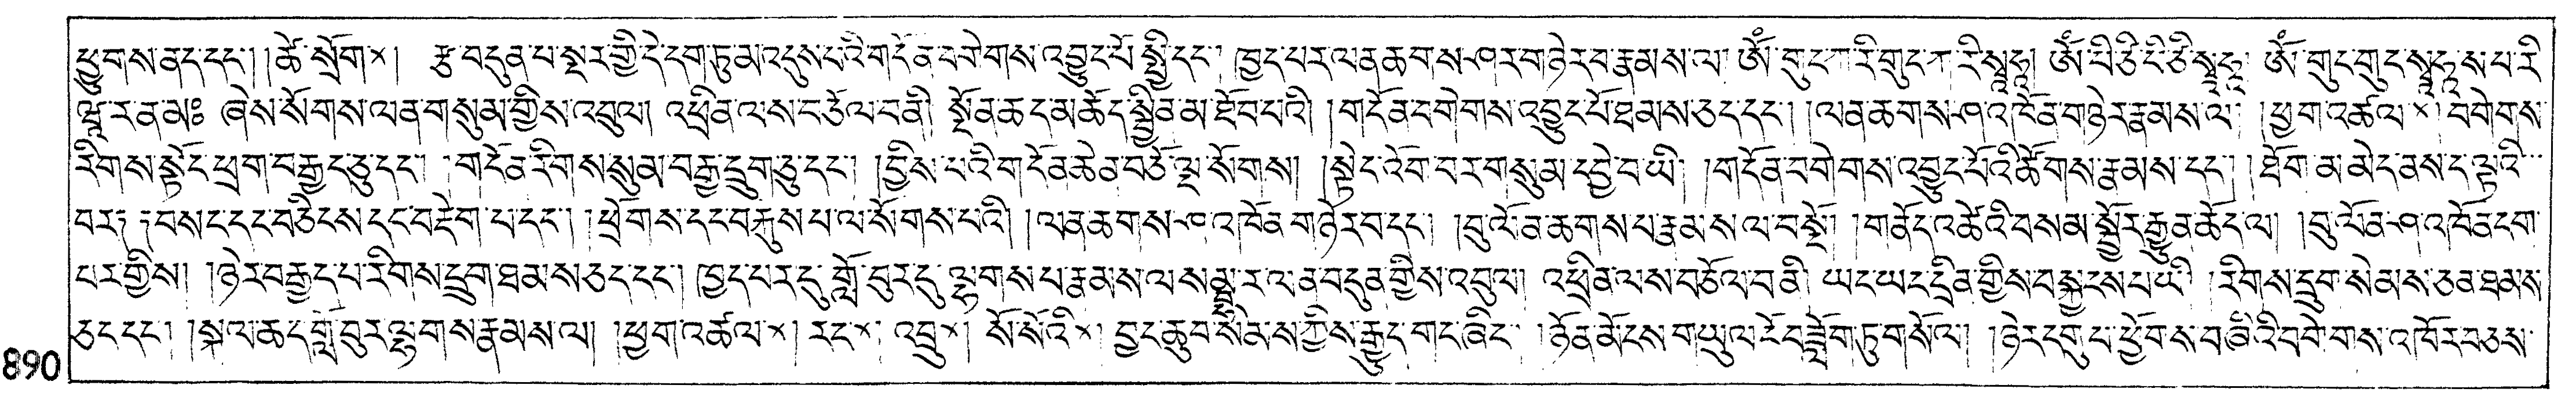ཕྱུགས་ནད་དང་། །ཚེ་སྲོག་྾། རྩ་བདུན་པ་སྔར་གྱི་དེ་དག་ཏུ་མ་འདུས་པའི་གདོན་བགེགས་འབྱུང་པོ་སྤྱི་དང་། ཁྱད་པར་ལན་ཆགས་ཤར་གཉེར་བ་རྣམས་ལ། ཨོཾ་གུང་ཀ་རི་གུང་ཀ་རི་སྭཱཧཱ། ཨོཾ་པི་ཙི་པི་ཙི་སྭཱཧཱ། ཨོཾ་གུང་གུང་སྭཱཧཱ་ས་པ་རི་
ཝཱ་ར་ན་མཿ ཞེས་སོགས་ལན་གསུམ་གྱིས་འབུལ། འཕྲིན་ལས་བཅོལ་བ་ནི། སྔོན་ཆད་མཆོད་སྦྱིན་མ་ཐོབ་པའི། །གདོན་བགེགས་འབྱུང་པོ་ཐམས་ཅད་དང་། །ལན་ཆགས་ཤ་འཁོན་གཉེར་རྣམས་ལ། །ཕྱག་འཚལ་྾། བགེགས་
རིགས་སྟོང་ཕྲག་བརྒྱད་ཅུ་དང་། །གདོན་རིགས་སུམ་བརྒྱ་དྲུག་ཅུ་དང་། །བྱིས་པའི་གདོན་ཆེན་བཅོ་ལྔ་སོགས། །སྟེང་འོག་བར་གསུམ་དབྱེ་བ་ཡི། །གདོན་བགེགས་འབྱུང་པོའི་ཚོགས་རྣམས་དང་། །ཐོག་མ་མེད་ནས་ད་ལྟའི་
བར༑ ༑བསང་དང་བཅིངས་དང་བརྡེག་པ་དང་། །ཕྲོགས་དང་བརྐུས་པ་ལ་སོགས་པའི། །ལན་ཆགས་ཤ་འཁོན་གཉེར་བ་དང་། །བུ་ལོན་ཆགས་པ་རྣམས་ལ་བསྔོ། །གནོད་འཚེའི་བསམ་སྦྱོར་རྒྱུན་ཆོད་ལ། །བུ་ལོན་ཤ་འཁོན་དག་
པར་གྱིས། །ཉེར་བརྒྱད་པ་རིགས་དྲུག་ཐམས་ཅད་དང་། ཁྱད་པར་དུ་གློ་བུར་དུ་ལྷགས་པ་རྣམས་ལ་སམྦྷ་ར་ལན་བདུན་གྱིས་འབུལ། འཕྲིན་ལས་བཅོལ་བ་ནི། ཡང་ཡང་དྲིན་གྱིས་བསྐྱངས་པ་ཡི། །རིགས་དྲུག་སེམས་ཅན་ཐམས་
ཅད་དང་། །སྐལ་ཆད་གློ་བུར་ལྷགས་རྣམས་ལ། །ཕྱག་འཚལ་྾། རང་྾། འབྲུ་྾། སོ་སོའི་྾། བྱང་ཆུབ་སེམས་ཀྱིས་རྒྱུད་གང་ཞིང་། །ཉོན་མོངས་གཡུལ་ངོ་བཟློག་ཏུ་གསོལ། །ཉེར་དགུ་པ་ཕྱོགས་བཞིའི་བགེགས་འཁོར་བཅས་